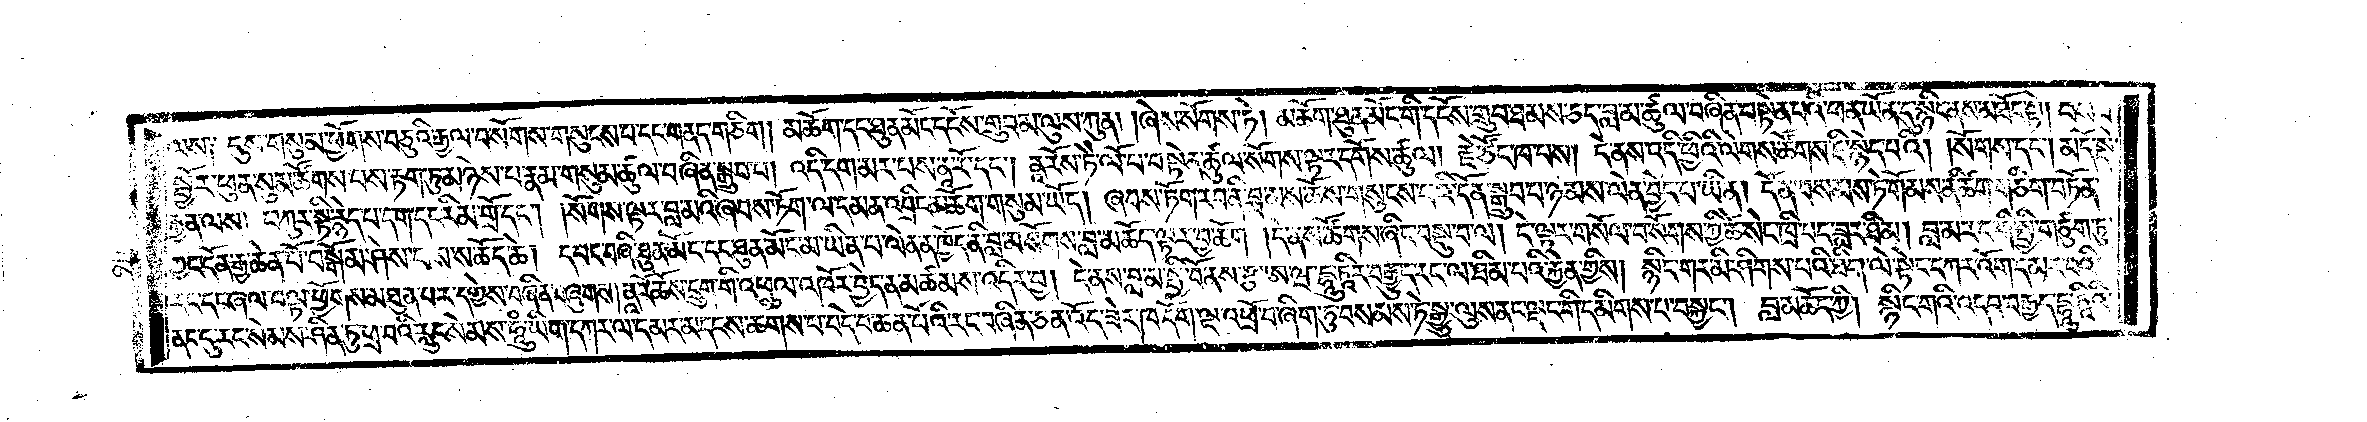ལས༑ དུས་གསུམ་ཕྱོགས་བཅུའི་རྒྱལ་བ་སོགས་གསུངས་པ་དང་གནད་གཅིག །མཆོག་དང་ཐུན་མོང་དངོས་གྲུབ་མ་ལུས་ཀུན། །ཞེས་སོགས་ཏེ། མཆོག་ཐུན་མོང་གི་དངོས་གྲུབ་ཐམས་ཅད་བླ་མ་ཚུལ་བཞིན་བསྟེན་པའི་ཕན་ཡོན་དུ་སྙིང་ནས་མཐོང་སྟེ། བསམ་
སྦྱོར་ཕུན་སུམ་ཚོགས་བས་རྟག་ཏུ་མཉེས་པ་རྣམ་གསུམ་ཚུལ་བཞིན་སྒྲུབ་པ། འདི་དག་མར་བས་ནཱ་རོ་དང་། ནཱ་རོས་ཏཻ་ལོ་པ་བསྟེན་ཚུལ་སོགས་ལྟར་དགོས་ཚུལ། རྗེ་ཙོང་ཁ་བས། དེ་ནས་འདི་ཕྱིའི་ལེགས་ཚོགས་ཇི་སྙེད་པའི། །སོགས་དང་། མདོ་སྡེ་
རྒྱན་ལས། བཀུར་སྟི་རྙེད་པ་དག་དང་རིམ་གྲོ་དང་། །སོགས་ལྟར་བླ་མའི་ཞབས་ཏོག་ལ་དམན་འབྲིང་མཆོག་གསུམ་ཡོད། ཞབས་ཏོག་རབ་ནི་བླ་མས་ཆོས་གསུངས་པའི་དོན་སྒྲུབ་པ་ཉམས་ལེན་བྱེད་པ་ཡིན། དོན་བསམས་ཏེ་གོམས་ན་ཚིག་གཅིག་བཏོན་
ཀྱང་དོན་རྒྱ་ཆེན་པོ་བསྒོམ་ཤེས་པས་ས་ཆོད་ཆེ། དབང་བཞི་ཐུན་མོང་དང་ཐུན་མོང་མ་ཡིན་པ་ལེན་ན་ཁྱོད་ནི་བླ་མ་སོགས་བླ་མཆོད་ལྟར་བྱ་ཆོག །དེ་ནས་ཚོགས་ཞིང་བསྡུ་བ་ལ། དེ་ལྟར་གསོལ་བ་སོགས་ཀྱི་ཚེ་སེང་ཁྲི་པང་ཟླར་ཐིམ། བླ་མ་རང་གི་སྤྱི་གཙུག་ཏུ་
རང་དང་ཞལ་བལྟ་ཕྱོགས་མཐུན་པར་དགྱེས་བཞིན་བཞུགས། ནཱ་རོ་ཆོས་དྲུག་གི་འཕྲུལ་འཁོར་བྱེད་ན་མཚམས་འདིར་བྱ། དེ་ནས་བླ་མ་སྤྱི་བོ་ནས་རྩ་ཨ་ཝ་དྷཱུ་ཏཱིར་བརྒྱུད་རང་ལ་ཐིམ་པའི་རྐྱེན་གྱིས། སྙིང་གར་མི་ཤིགས་པའི་ཐིག་ལེ་སྟེང་དཀར་འོག་དམར་བའི་
ནང་དུ་རང་སེམས་ཤིན་ཏུ་ཕྲ་བའི་རླུང་སེམས་ཧཱུཾ་ཡིག་དཀར་ལ་དམར་མདངས་ཆགས་པ་བདེ་བ་ཆེན་པོའི་རང་བཞིན་ཅན་འོད་ཟེར་ཁ་དོག་ལྔ་འཕྲོ་བ་ཞིག་ཏུ་བསམས་ཏེ་སྒྱུ་ལུས་ནང་ལྡང་གི་དམིགས་པ་བསྐྱང་། བླ་མཆོད་ཀྱི། སྙིང་གའི་འདབ་བརྒྱད་དྷཱུ་ཏཱིའི་